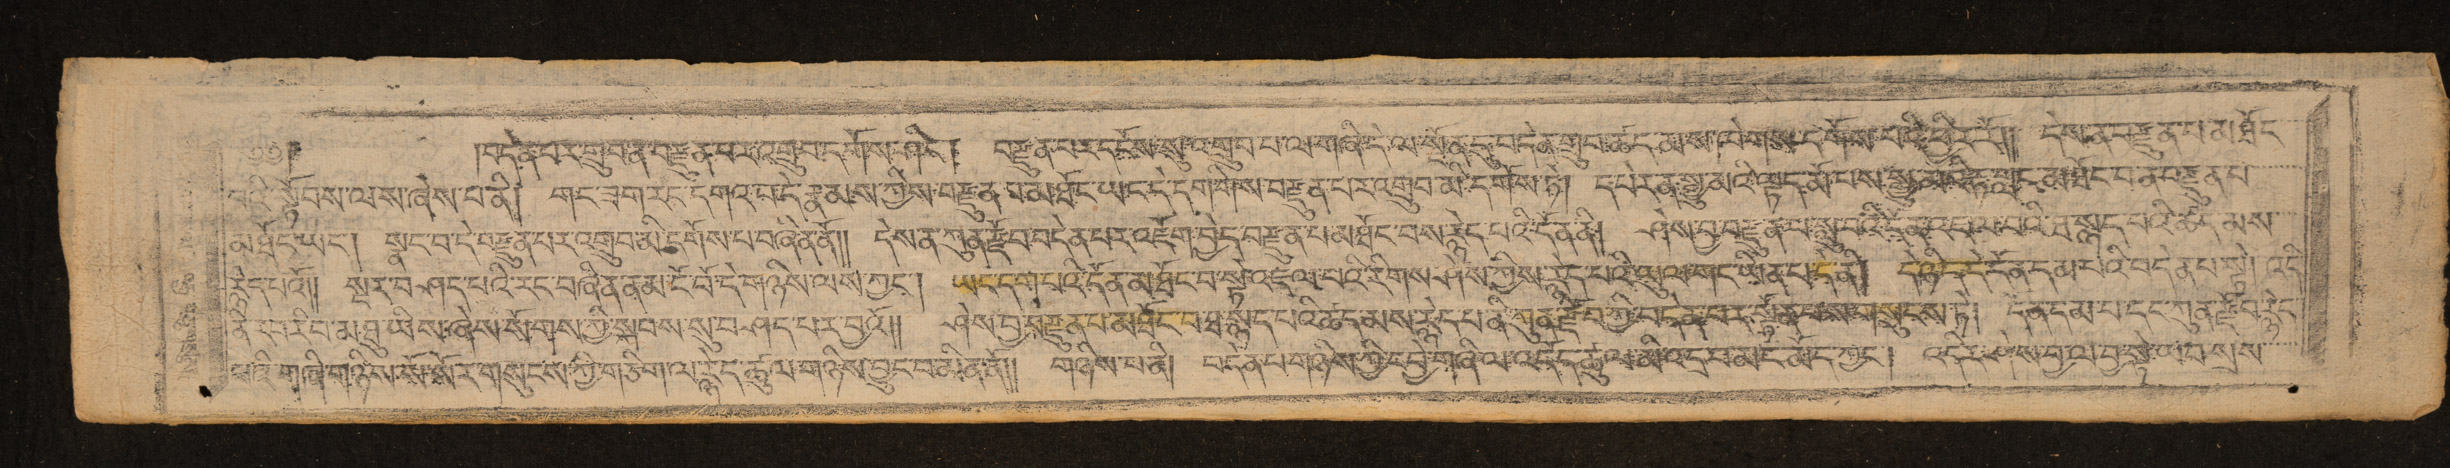༄༅། །བདེན་པར་གྲུབ་ན་བརྫུན་པར་འགྲུབ་དགོས་ཤིང་། བརྫུན་པར་དངོས་སུ་འགྲུབ་པ་ལ་གཞི་དེ་ལ་སྔོན་དུ་བདེན་གྲུབ་ཚད་མས་ཁེགས་དགོས་པའི་ཕྱིར་རོ།། དེས་ན་བརྫུན་པ་མཐོང་
བའི་སྟོབས་ལས་ཞེས་པ་ནི། གང་ཟག་རང་དགའ་བ་དེ་རྣམས་ཀྱིས་བརྫུན་པ་མཐོང་ཡང་དེ་དག་གིས་བརྫུན་པར་འགྲུབ་མི་དགོས་ཏེ། དཔེར་ན་སྒྱུ་མའི་ལྟད་མོ་པས་སྒྱུ་མའི་རྟ་གླང་མཐོང་བ་ན་བརྫུན་པ་
མཐོང་ཡང་། སྣང་བ་དེ་བརྫུན་པར་འགྲུབ་མི་དགོས་པ་བཞིན་ནོ།། དེས་ན་ཀུན་རྫོབ་བདེན་པར་འཇོག་བྱེད་བརྫུན་པ་མཐོང་བས་རྙེད་པའི་དོན་ནི། ཤེས་བྱ་བརྫུན་པ་སླུ་བའི་དོན་འཇལ་བའི་ཐ་སྙད་པའི་ཚད་མས་
རྙེད་པའོ།། སྔར་བཤད་པའི་རང་བཞིན་ནམ་ངོ་བོ་དེ་གཉིས་ལས་ཀྱང་། ཡང་དག་པའི་དོན་མཐོང་བ་སྟེ་འཇལ་བའི་རིགས་ཤེས་ཀྱིས་རྙེད་པའི་ཡུལ་གང་ཡིན་པ་དེ་ནི། དེ་ཉིད་དེ་དོན་དམ་པའི་བདེན་པ་སྟེ། འདི་
ནི་རབ་རིབ་མཐུ་ཡིས་ཞེས་སོགས་ཀྱི་སྐབས་སུ་བཤད་པར་བྱའོ།། ཤེས་བྱ་བརྫུན་པ་མཐོང་བ་ཐ་སྙད་པའི་ཚད་མས་རྙེད་པ་ནི་ཀུན་རྫོབ་ཀྱི་བདེན་པར་སྟོན་པས་གསུངས་ཏེ། དོན་དམ་པ་དང་ཀུན་རྫོབ་རྙེད་
པའི་གཞི་གཉིས་སོ་སོར་གསུངས་ཀྱི་གཅིག་ལ་རྙེད་ཚུལ་གཉིས་བྱུང་བ་མིན་ནོ།། གཉིས་པ་ནི། བདེན་པ་གཉིས་ཀྱི་དབྱེ་གཞི་ལ་འདོད་ཚུལ་མི་འདྲ་བ་མང་མོད་ཀྱང་། འདིར་ཤེས་བྱ་ལ་བྱ་སྟེ་ཡབ་སྲས་